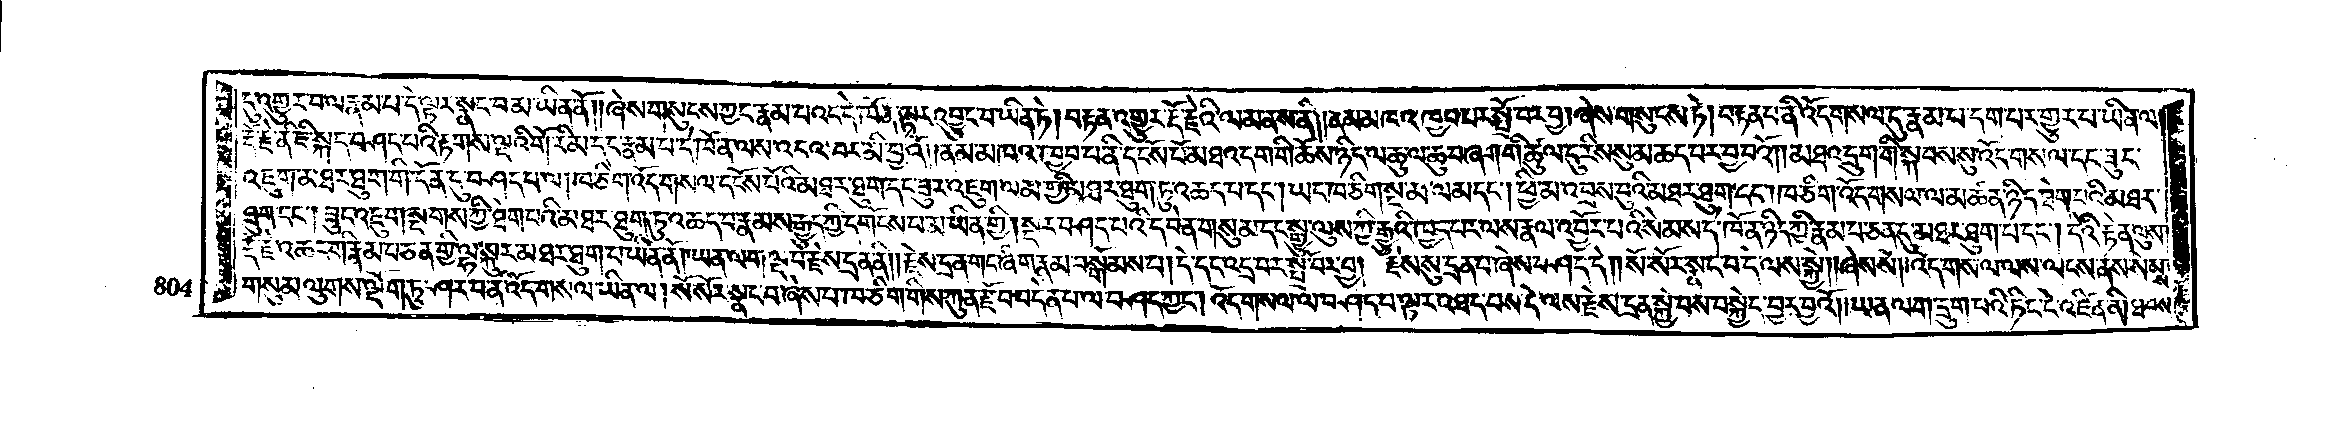དུ་འགྱུར་བ་ལ་རྣམ་པ་དེ་ལྟར་སྣང་བ་མ་ཡིན་ནོ། །ཞེས་གསུངས་ཀྱང་རྣམ་པའང་དེ་ཁོ་ན་ལྟར་འབྱུང་བ་ཡིན་ཏེ། བརྟན་འགྱུར་རྡོ་རྗེའི་ལམ་ནས་ནི། །ནམ་མཁའ་ཁྱབ་པར་སྤྲོ་བར་བྱ། ཞེས་གསུངས་ཏེ། བརྟན་པ་ནི་འོད་གསལ་དུ་རྣམ་པ་དག་པར་གྱུར་པ་ཡིན་ལ། །
རྡོ་རྗེ་ནི་ཇི་སྐད་བཤད་པའི་རྟགས་ལྔའི་གོ་རིམ་དང་རྣམ་པ་དེ་ཁོ་ན་ལས་འདའ་བར་མི་བྱའོ། །ནམ་མཁའ་ཁྱབ་པ་ནི་དངོས་པོ་མཐའ་དག་གི་ཆོས་ཉིད་ལ་ཆུ་ལ་ཆུ་བཞག་གི་ཚུལ་དུ་རིས་སུ་མ་ཆད་པར་བྱ་བའོ། །མཐའ་དྲུག་གི་སྐབས་སུ་འོད་གསལ་དང་ཟུང་
འཇུག་མཐར་ཐུག་གི་དོན་དུ་བཤད་པ་ལ། ཁ་ཅིག་འོད་གསལ་དངོས་པོའི་མཐར་ཐུག་དང་ཟུང་འཇུག་ལམ་གྱི་མཐར་ཐུག་ཏུ་འཆད་པ་དང་། ཡང་ཁ་ཅིག་སྔ་མ་ལམ་དང་། ཕྱི་མ་འབྲས་བུའི་མཐར་ཐུག་དང་། ཁ་ཅིག་འོད་གསལ་ལ་མཚན་ཉིད་ཐེག་པའི་མཐར་
ཐུག་དང་། ཟུང་འཇུག་སྔགས་ཀྱི་ཐེག་པའི་མཐར་ཐུག་ཏུ་འཆད་པ་རྣམས་རྒྱུད་ཀྱི་དགོངས་པ་མ་ཡིན་གྱི། སྔར་བཤད་པའི་དབེན་གསུམ་དང་སྒྱུ་ལུས་ཀྱི་རྒྱུའི་ཁྱད་པར་ལས་རྣལ་འབྱོར་པའི་སེམས་དེ་ཁོ་ན་ཉིད་ཀྱི་རྣམ་པ་ཅན་དུ་མཐར་ཐུག་པ་དང་། དེའི་རྟེན་ལུས་
ཨོག་འབྲས་བཟན་ཨི་རྣམ་པ་ཅན་གྱི་ལྷ་སྐུར་མཐར་ཐུག་པ་ཡིན་ནོ། །ཡན་ལག་ལྔ་པ་རྗེས་དྲན་ནི། །རྗེས་དྲན་གང་ཞིག་རྣམ་བསྒོམས་པ། དེ་དང་འདྲ་བར་སྤྲོ་བར་བྱ། །རྗེས་སུ་དྲན་པ་ཞེས་བཤད་དེ། །སོ་སོར་སྣང་བ་དེ་ལས་སྐྱེ། །ཞེས་སོ། །འོད་གསལ་ལས་ལངས་ནས་སེམས་
གསུམ་ལུགས་ལྡོག་ཏུ་ཤར་བ་ནི་འོད་གསལ་ཡིན་ལ། སོ་སོར་སྣང་བ་ཞེས་པ་ཁ་ཅིག་གིས་ཀུན་རྫོབ་བདེན་པ་ལ་བཤད་ཀྱང་། འོད་གསལ་ལ་བཤད་པ་ལྟར་འཐད་པས་དེ་ལས་རྗེས་དྲན་སྐྱེ་བས་བསྐྱེད་བྱར་བྱའོ། །ཡན་ལག་དྲུག་པའི་ཏིང་ངེ་འཛིན་ནི། ཐབས་